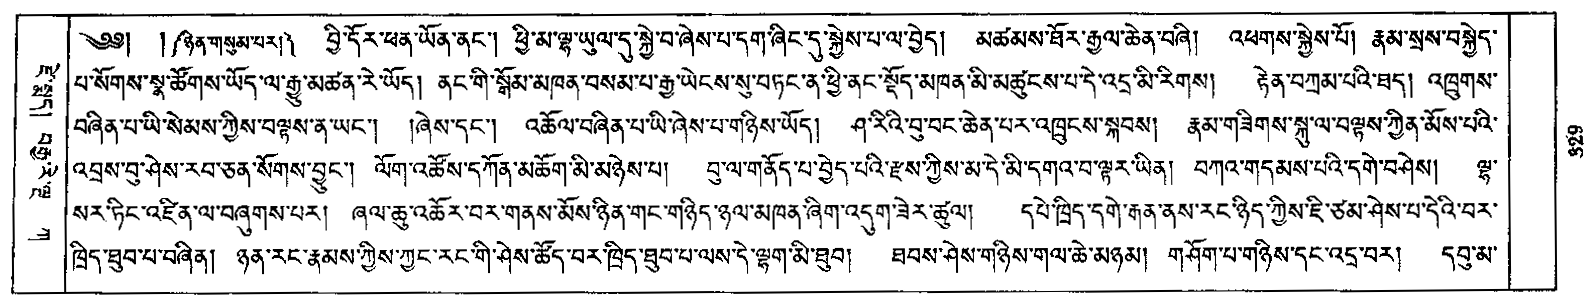༄༅། །ཉིན་གསུམ་པར།?་བྱི་དོར་ཕན་ཡོན་ནང་། ཕྱི་མ་ལྷ་ཡུལ་དུ་སྐྱེ་བ་ཞེས་པ་དག་ཞིང་དུ་སྐྱེས་པ་ལ་བྱེད། མཚམས་ཐོར་རྒྱལ་ཆེན་བཞི། འཕགས་སྐྱེས་པོ། རྣམ་སྲས་བསྐྱེད་
པ་སོགས་སྣ་ཚོགས་ཡོད་ལ་རྒྱུ་མཚན་རེ་ཡོད། ནང་གི་སྒོམ་མཁན་བསམ་པ་རྒྱ་ཡེངས་སུ་བཏང་ན་ཕྱི་ནང་སྡོད་མཁན་མི་མཚུངས་པ་དེ་འདྲ་མི་རིགས། རྟེན་བཀྲམ་པའི་ཐད། འཁྲུགས་
བཞིན་པ་ཡི་སེམས་ཀྱིས་བལྟས་ན་ཡང་། །ཞེས་དང་། འཆོལ་བཞིན་པ་ཡི་ཞེས་པ་གཉིས་ཡོད། ཤ་རིའི་བུ་བང་ཆེན་པར་འཁྲུངས་སྐབས། རྣམ་གཟིགས་སྐུ་ལ་བལྟས་ཀྱིན་མོས་པའི་
འབྲས་བུ་ཤེས་རབ་ཅན་སོགས་བྱུང་། ལོག་འཚོས་དཀོན་མཆོག་མི་མཉེས་པ། བུ་ལ་གནོད་པ་བྱེད་པའི་རྫས་ཀྱིས་མ་དེ་མི་དགའ་བ་ལྟར་ཡིན། བཀའ་གདམས་པའི་དགེ་བཤེས། ལྷ་
སར་ཏིང་འཛིན་ལ་བཞུགས་པར། ཞལ་ཆུ་འཆོར་བར་གནས་མོས་ཉིན་གང་གཉིད་ཉལ་མཁན་ཞིག་འདུག་ཟེར་ཚུལ། དཔེ་ཁྲིད་དགེ་རྒན་ནས་རང་ཉིད་ཀྱིས་ཇི་ཙམ་ཤེས་པ་དེའི་བར་
ཁྲིད་ཐུབ་པ་བཞིན། ཉན་རང་རྣམས་ཀྱིས་ཀྱང་རང་གི་ཤེས་ཚོད་བར་ཁྲིད་ཐུབ་པ་ལས་དེ་ལྷག་མི་ཐུབ། ཐབས་ཤེས་གཉིས་གལ་ཆེ་མཉམ། གཤོག་པ་གཉིས་དང་འདྲ་བར། དབུ་མ་